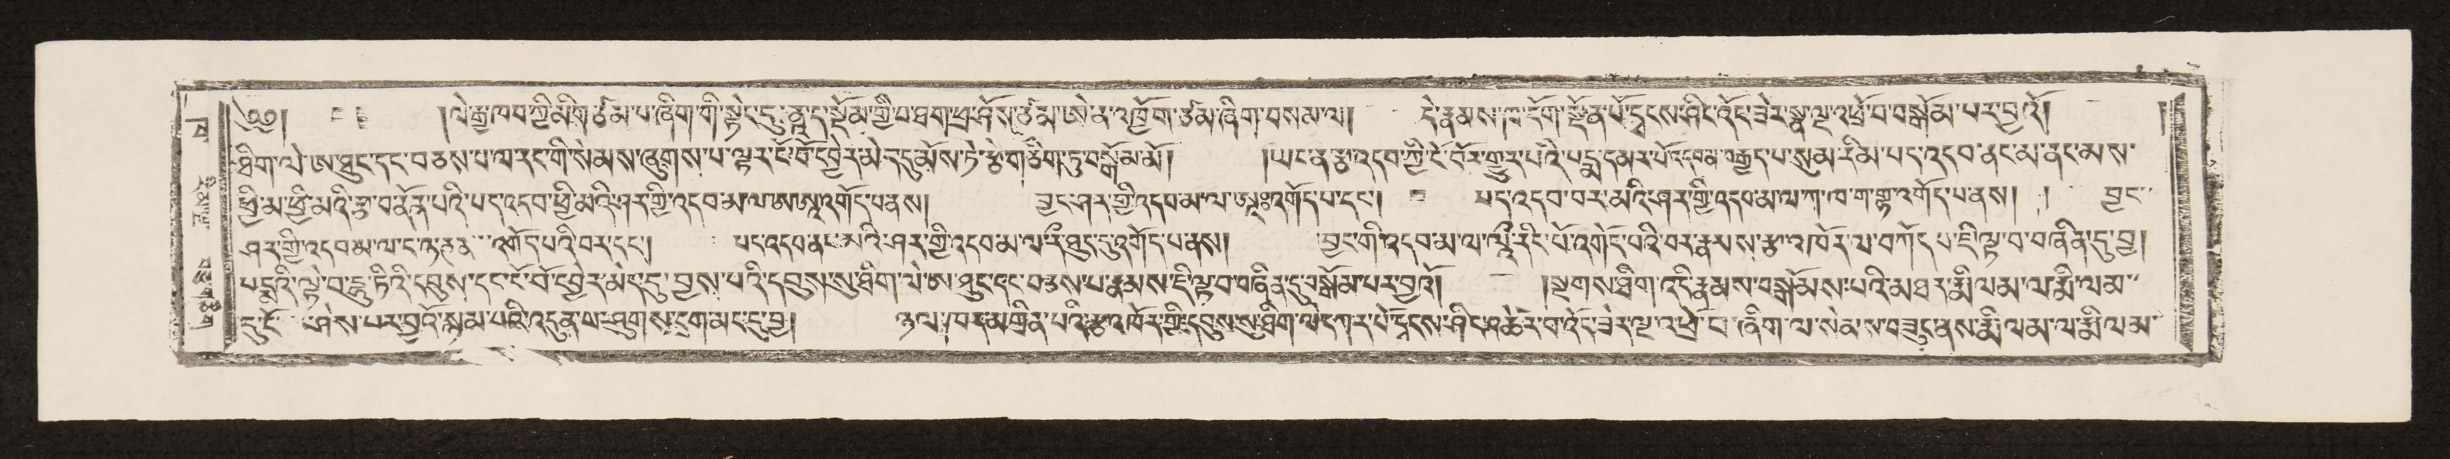༄༅། །ལེ་རྒྱ་ཁབ་ཀྱི་མིག་ཙམ་པ་ཞིག་གི་སྟེང་དུ་ནཱ་ད་སྡོམ་གྱི་བ་ཐག་ཕྲ་ཤོས་ཙམ་ཨེན་འཁྱོག་ཙམ་ཞིག་བསམ་ལ། དེ་རྣམས་ཁ་དོག་སྔོན་པོ་དྭངས་ཤིང་འོད་ཟེར་སྣ་ལྔ་འཕྲོ་བ་བསྒོམ་པར་བྱའོ།
ཐིག་ལེ་ཨ་ཐུང་དང་བཅས་པ་ལ་རང་གི་སེམས་ཞུགས་པ་ལྟར་ངོ་བོ་དབྱེར་མེད་དུ་མོས་ཏེ་རྩེ་གཅིག་ཏུ་བསྒོམ་མོ། །ཡང་ན་རྩ་འདབ་ཀྱི་ངོ་བོར་གྱུར་པའི་པདམ་དམར་པོ་འདབ་མ་བརྒྱད་པ་སུམ་རིམ་པད་འདབ་ནང་མ་ནང་མས་
ཕྱི་མ་ཕྱི་མའི་རྩ་བ་ནོན་པའི་པད་འདབ་ཕྱི་མའི་ཤར་གྱི་འདབ་མ་ལ་ཨ་ཨཱ་འགོད་པ་ནས། བྱང་ཤར་གྱི་འདབ་མ་ལ་ཨཱཿའགོད་པ་དང་། པད་འདབ་བར་མའི་ཤར་གྱི་འདབ་མ་ལ་ཀ་ཁ་ག་གྷ་འགོད་པ་ནས། བྱང་
ཤར་གྱི་འདབ་མ་ལ་ང་ཉ་ཎ་ན་འགོད་པའི་བར་དང་། པད་འདབ་ནང་མའི་ཤར་གྱི་འདབ་མ་ལ་ར་ཐུང་དུ་འགོད་པ་ནས། བྱང་གི་འདབ་མ་ལ་ལཱྀ་རིང་པོ་འགོད་པའི་བར་རྣམས་རྩ་འཁོར་ལ་བཀོད་པ་ཨི་ལྟ་བ་བཞིན་
དུ་བྱ༑ པདམའི་ལྟེ་བ་དྷུ་ཏིའི་དབུས་དང་ངོ་བོ་དབྱེར་མེད་དུ་བྱས་པའི་དབུས་སུ་ཐིག་ལེ་ཨ་ཐུར་དང་བཅས་པ་རྣམས་ཇི་ལྟ་བ་བཞིན་དུ་བསྒོམ་པར་བྱའོ། །སྔགས་ཐིག་འདི་རྣམས་བསྒོམས་པའི་མཐར་རྨི་ལམ་ལ་རྨི་ལམ་
དུ་ངོ་ཤེས་པར་བྱའོ་སྙམ་པའི་འདུན་པ་ཤུགས་དྲག་མང་དུ་བྱ། ཉལ་ཁར་མགྲིན་པའི་རྩ་འཁོར་གྱི་དབུས་སུ་ཐིག་ལེ་དཀར་པོ་དྭངས་ཤིང་འཚེར་བ་འོད་ཟེར་ལྔ་འཕྲོ་བ་ཞིག་ལ་སེམས་བཟུང་ནས་རྨི་ལམ་ལ་རྨི་ལམ་